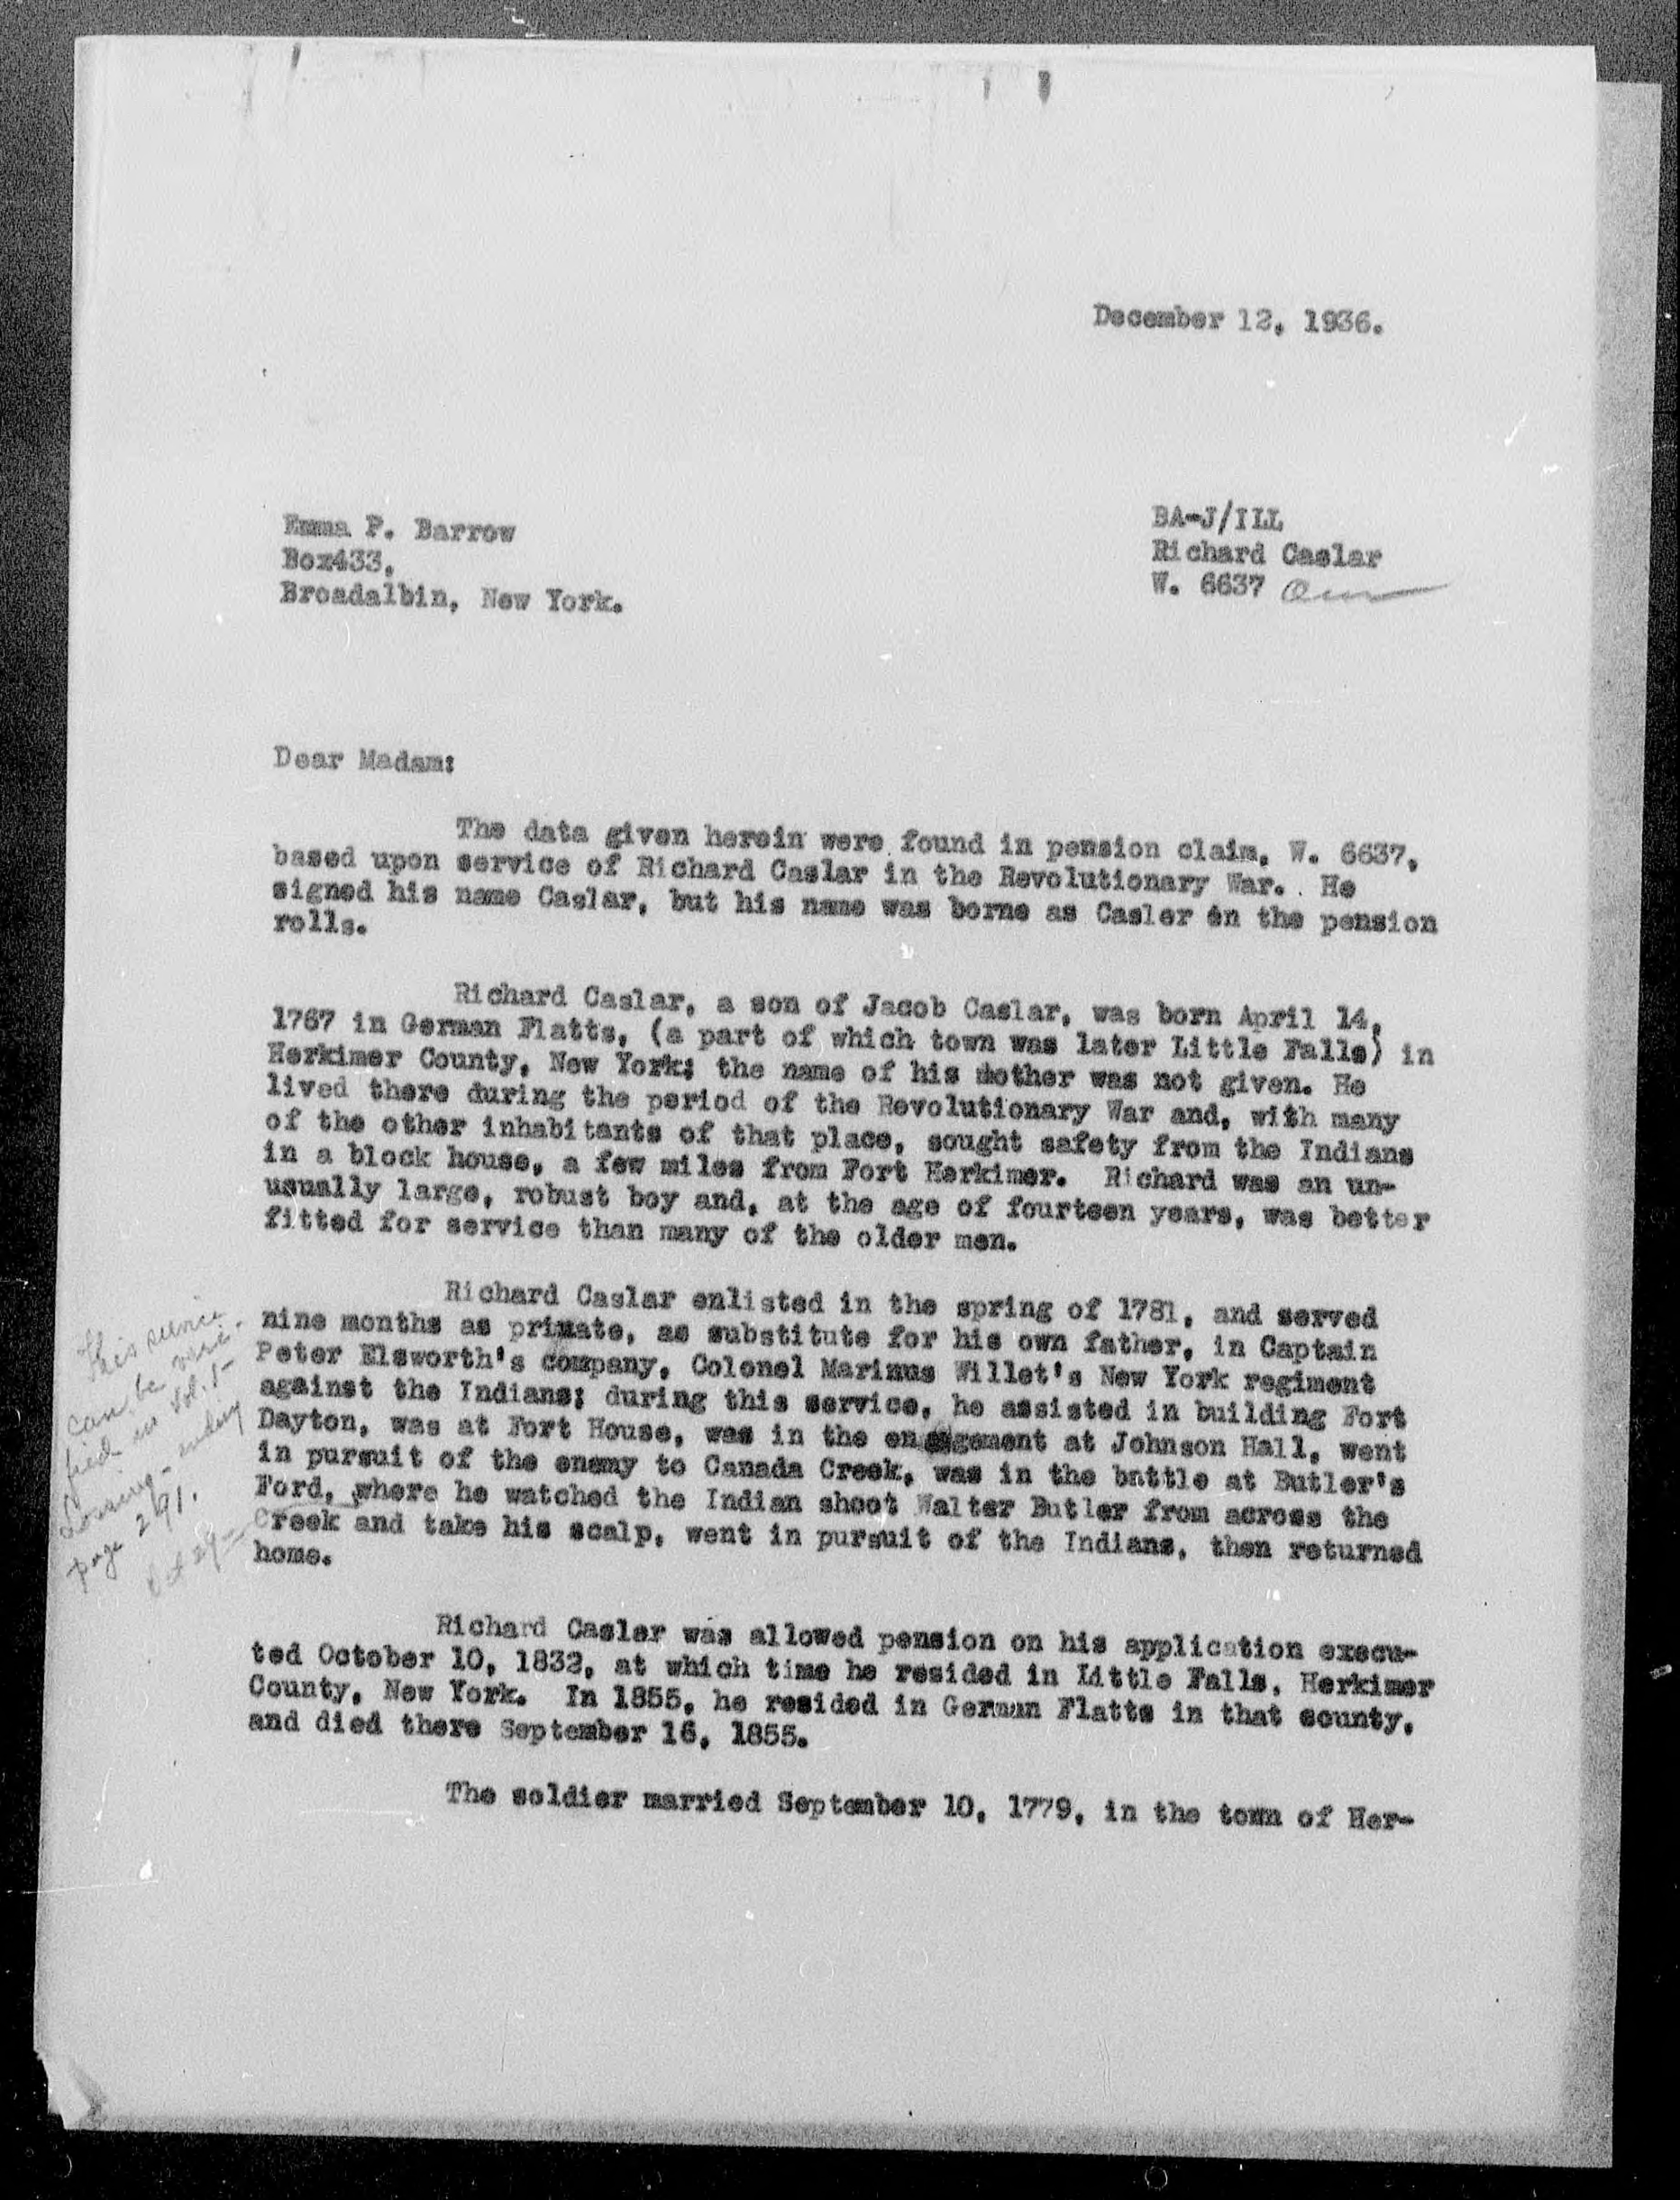December 12, 1936. 
BA-J/ILL 
Richard Caslar 
W. 6637 
Emma P. Barrow 
Box 433, 
Broadalbin, New York. 
Dear Madam:
The data given herein were found in pension claim, W. 6637, based upon service of Richard Caslar in the Revolutionary War. He signed his name Caslar, but his name was borne as Casler on the pension rolls.
Richard Caslar, a son of Jacob Caslar, was born April 14, 1767 in German Flatts, (a part of which town was later Little Falls) in Herkimer County, New York; the name of his mother was not given. He lived there during the period of the Revolutionary War and, with many of the other inhabitants of that place, sought safety from the Indians in a block house, a few miles from Fort Herkimer. Richard was an unusually large, robust boy and, at the age of fourteen years, was better fitted for service than many of the older men. 
Richard Caslar enlisted in the spring of 1781, and served nine months as private, as substitute for his own father, in Captain Peter Elsworth's company, Colonel Marinus Willett's New York regiment against the Indians; during this service, he assisted in building Fort Dayton, was at Fort House, was in the engagement at Johnson Hall, went in pursuit of the enemy to Canada Creek, was in the battle at Butler's Ford [side note: Oct 29], where he watched the Indian shoot Walter Butler from across the Creek and take his scalp, went in pursuit of the Indians, then returned home.

[handwritten note]
His service can be verified in Vol. 1 Lossing – ending page 291.

Richard Caslar was allowed pension on his application executed October 10, 1832, at which time he resided in Little Falls, Herkimer County, New York. In 1855, he resided in German Flatts in that county, and died there September 16, 1855. 
The soldier married September 10, 1779, in the town of Her- [Herkimer]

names: Jacob Casler, Richard, Emma P Barrow, Richard Casler, Richard Casler, Richard Casler, Richard Casler, Richard Casler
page: 28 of 66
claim: widow's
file: W. 6637, Richard Caslar, New York